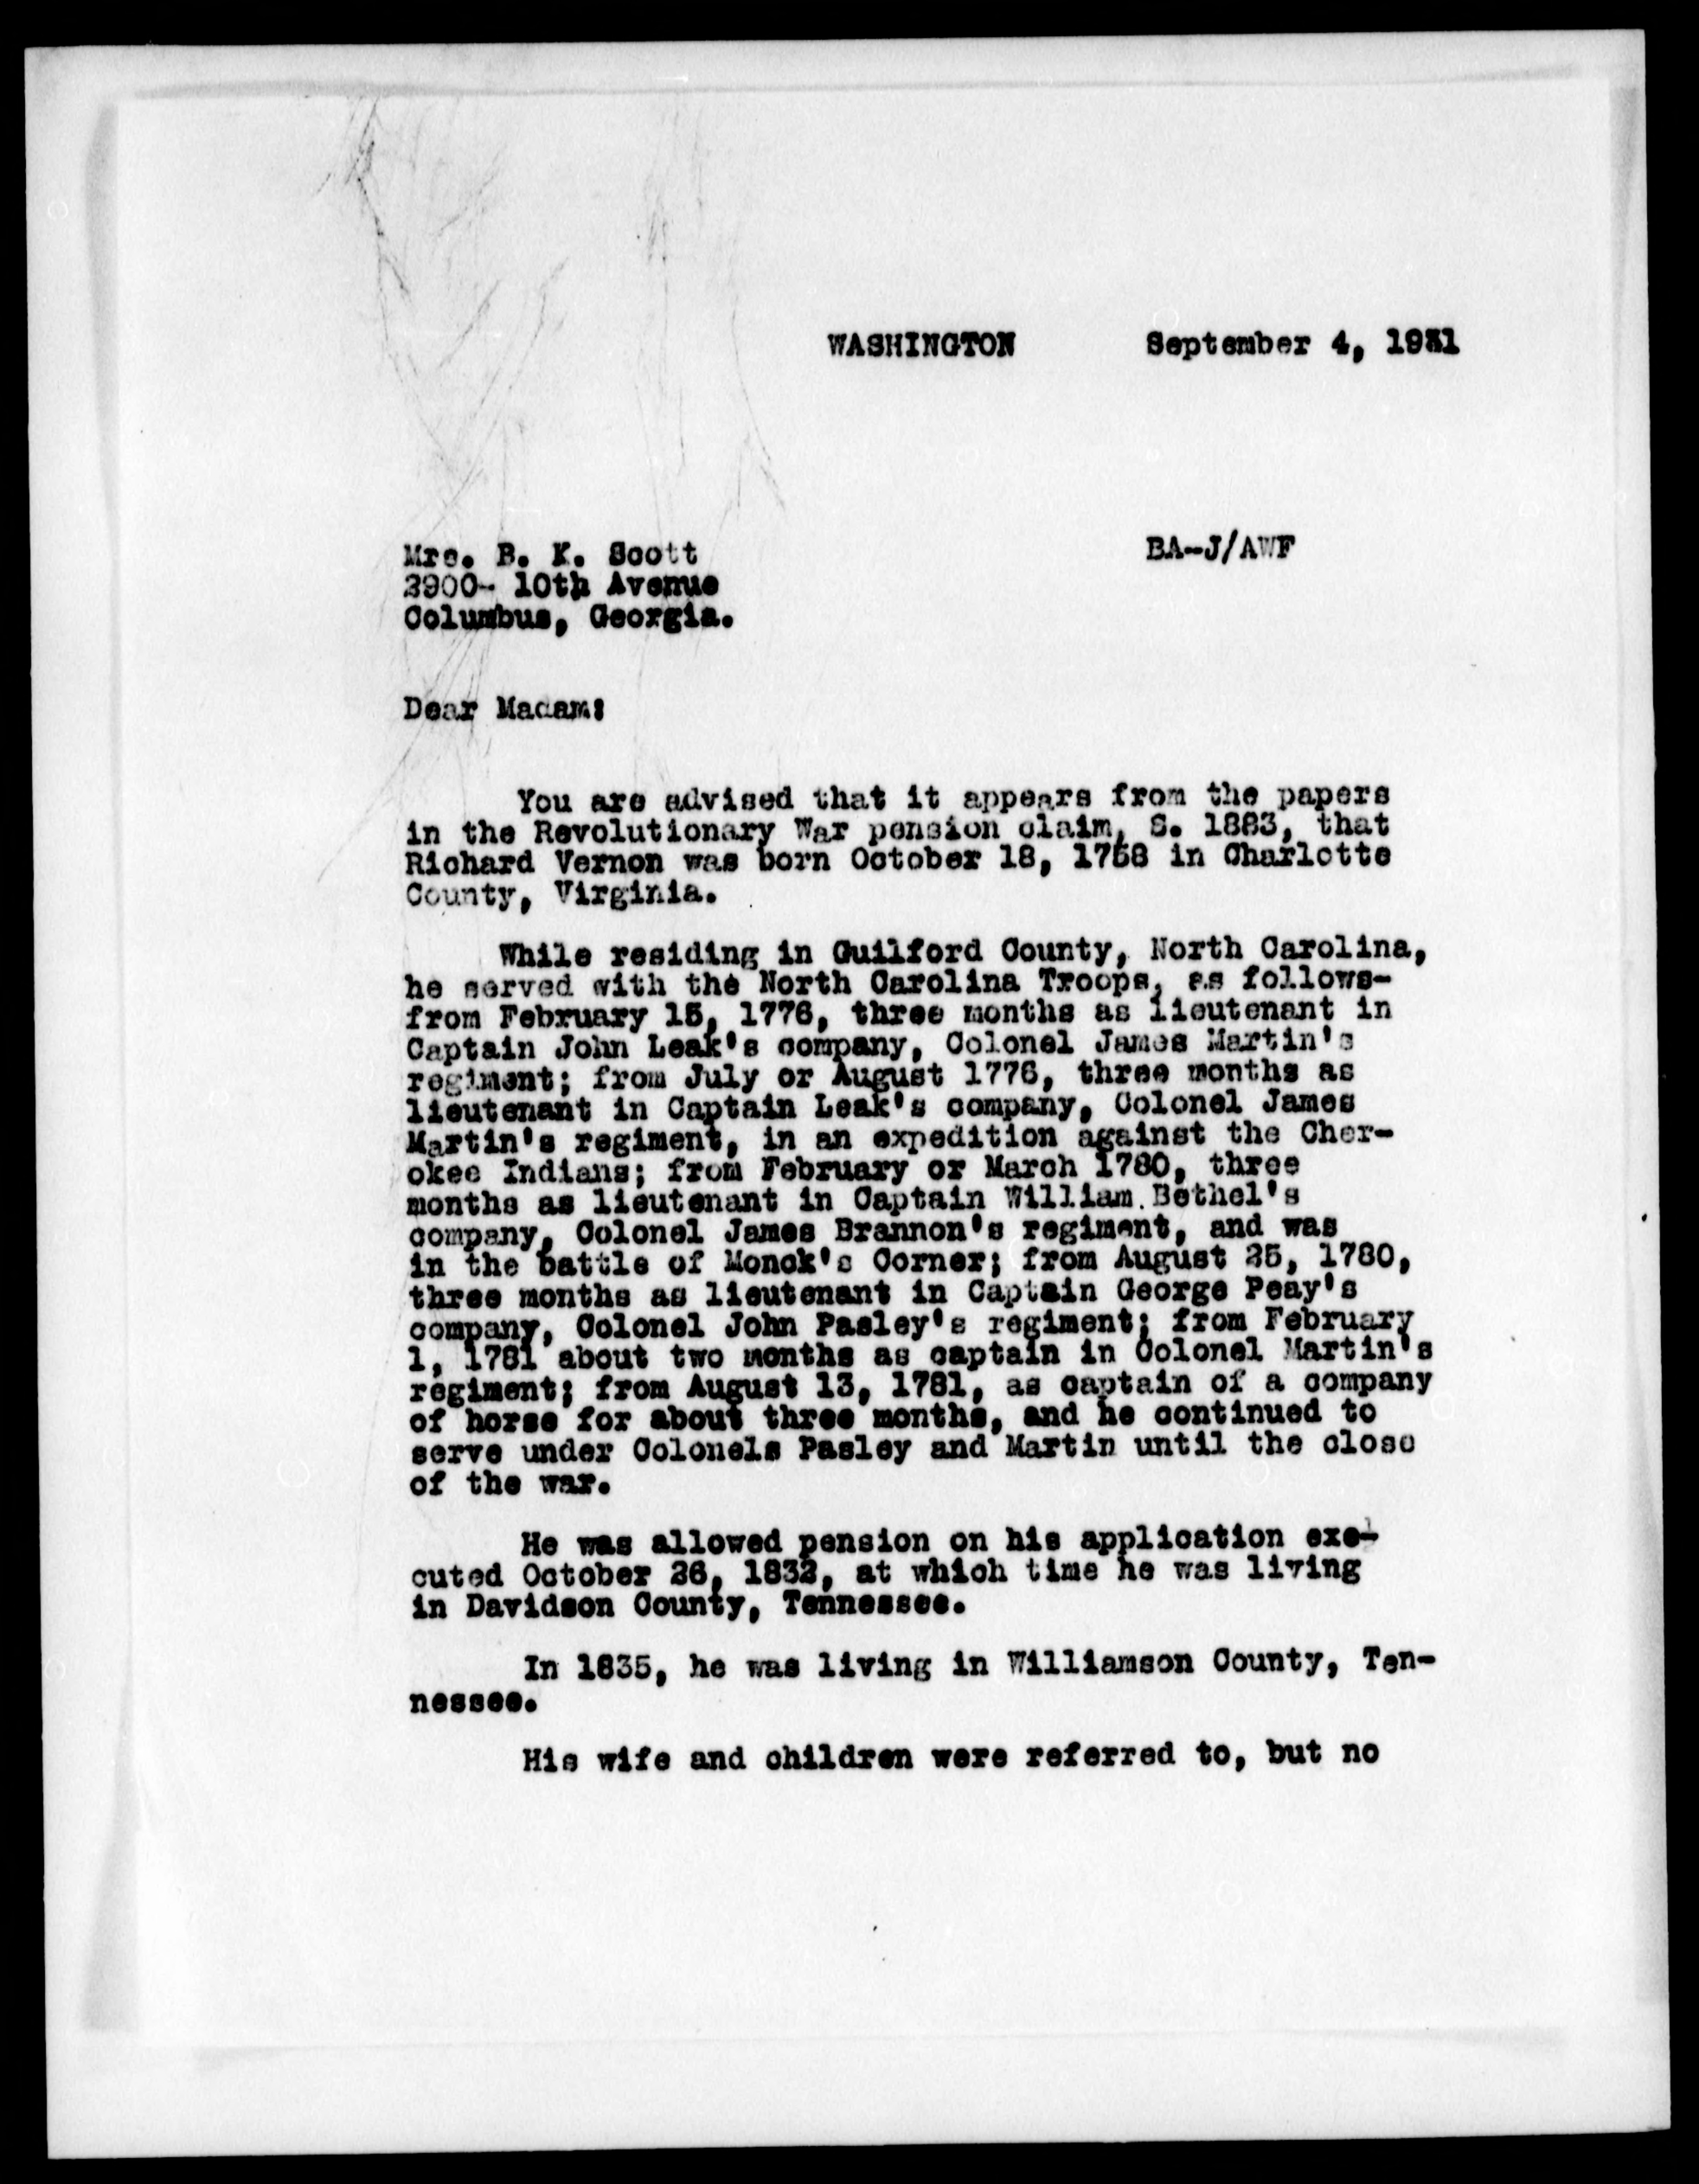WASHINGTON September 4, 1931

BA-J / AWF

Mrs. B. K. Scott
2900 – 10th Avenue
Columbus, Georgia.

Dear Madam:
You are advised that it appears from the papers in the Revolutionary War pension claim, S. 1883, that Richard Vernon was born October 18, 1758 in Charlotte County, Virginia.

While residing in Guilford County, North Carolina, he served with the North Carolina Troops, as follows -  from February 15, 1776, three months as lieutenant in Captain John Leak’s [sic] company, Colonel James Martin’s regiment; from July or August 1776, three months as lieutenant in Captain Leak’s company, Colonel James Martin’s regiment, in an expedition against the Cherokee Indians; from February or March 1780, three months as lieutenant in Captain William Bethel’s company, Colonel James Brannon’s regiment, and was in the battle of Monck’s Corner: from August 25, 1780, three months as lieutenant in Captain George Peay’s company, Colonel John Pasley’s regiment; from February 2, 1781 about two months as captain in Colonel Martin’s regiment; from August 13, 1781, as captain of a company of horse for about three months, and he continued to serve under Colonels Pasley [sic] and Martin until the close of the war.
 
He was allowed pension on his application executed October 26, 1832, at which time he was living in Davidson County, Tennessee.

In 1835, he was living in Williamson County, Tennessee.

His wife and children were referred to, but no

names: Martin, B K Scott, Richard Vernon, Pasley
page: 15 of 105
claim: survivor's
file: S. 1883, Richard Vernon, N.C.